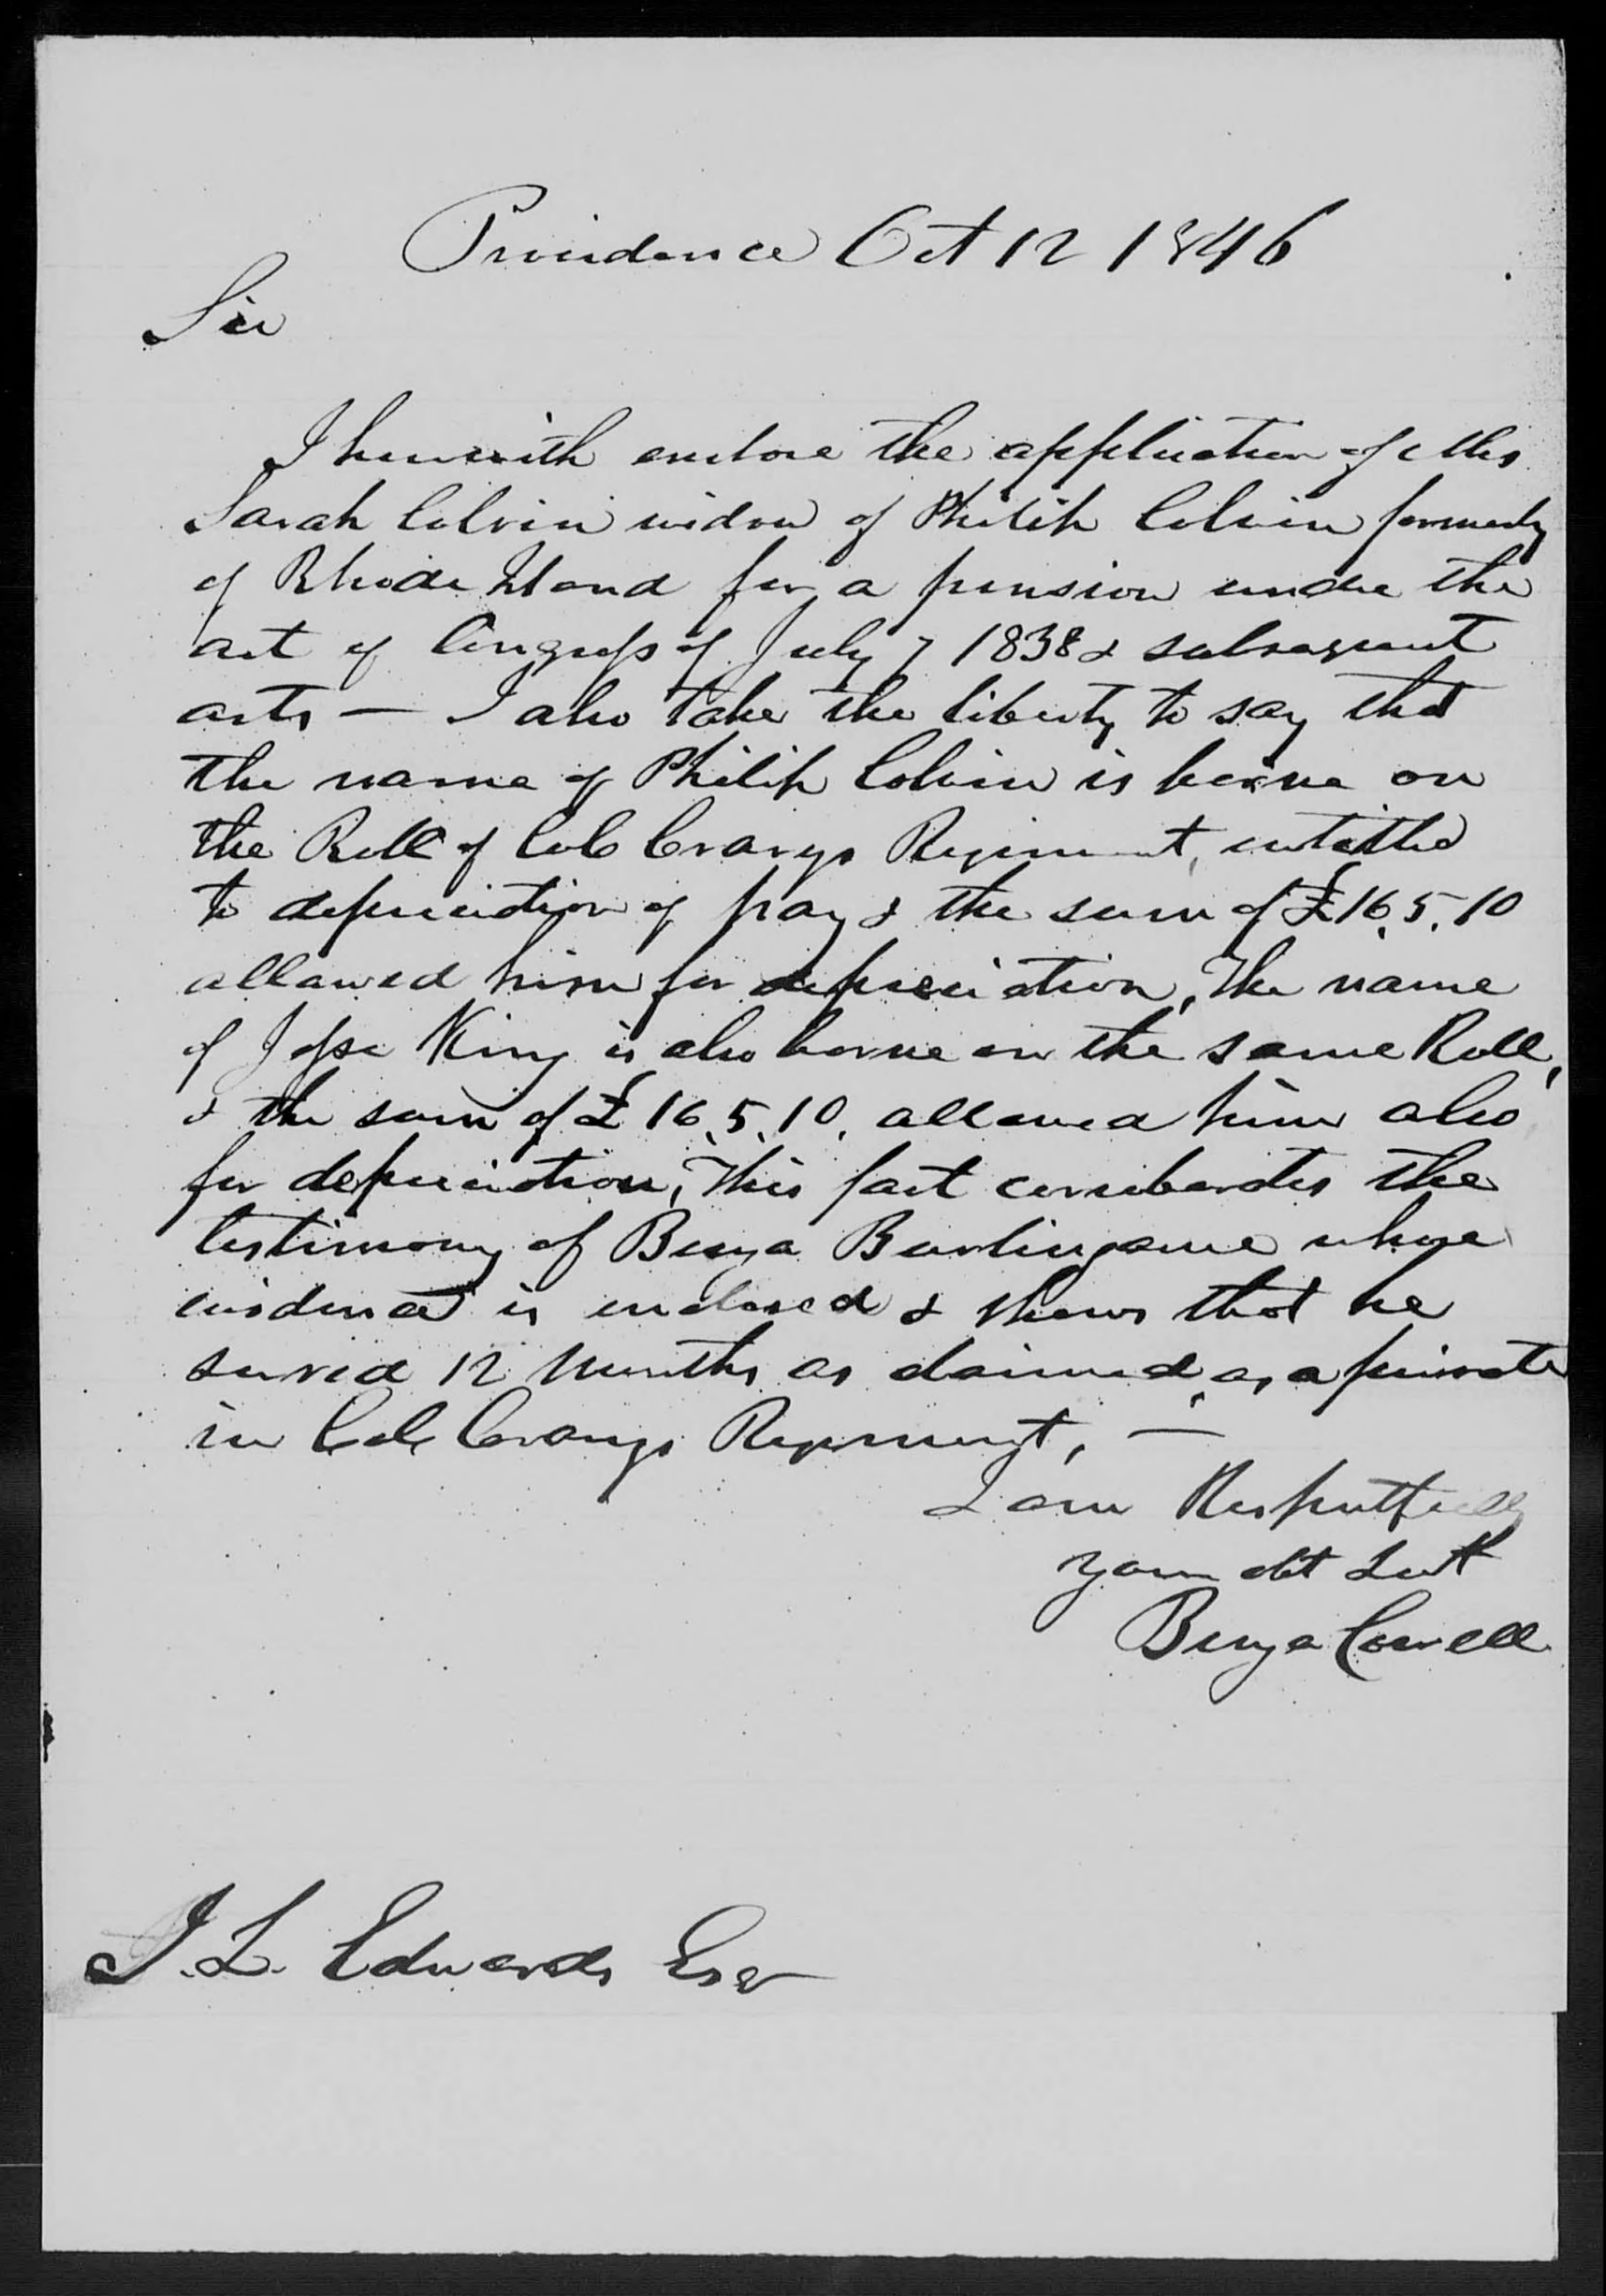Providence Oct 12 1846
Sir
I herewith enclose the application of Mrs. Sarah Colvin widow of Philip Colvin formerly of Rhode Island for a pension under the act of Congress of July 7 1838 & subsequent acts. I also take the liberty to say that the name of Philip Colvin is borne on the Roll of Col Crarys Regiment, entitled to depreciation of pay & the sum of $165.10 allowed him for depreciation. The name of Jesse King is also borne on the same Roll, & the sum of $12.5.10, allowed him also for depreciation. This fact corribarates the testimony of Benja Burlingame whose evidence is enclosed & shows that he served 12 months as claimed as a [illegible] in Col Crarys Regiment.
I am Respectfully your obt Servt
Benja Cowell

J.L. Edwards Esq.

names: J L Edwards, Benja Cowell, Jesse King, Benja Burlingame, Philip Colvin, Philip Colvin, Sarah Colvin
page: 27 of 41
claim: widow's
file: W. 3513, Philip Colvin, R.I.